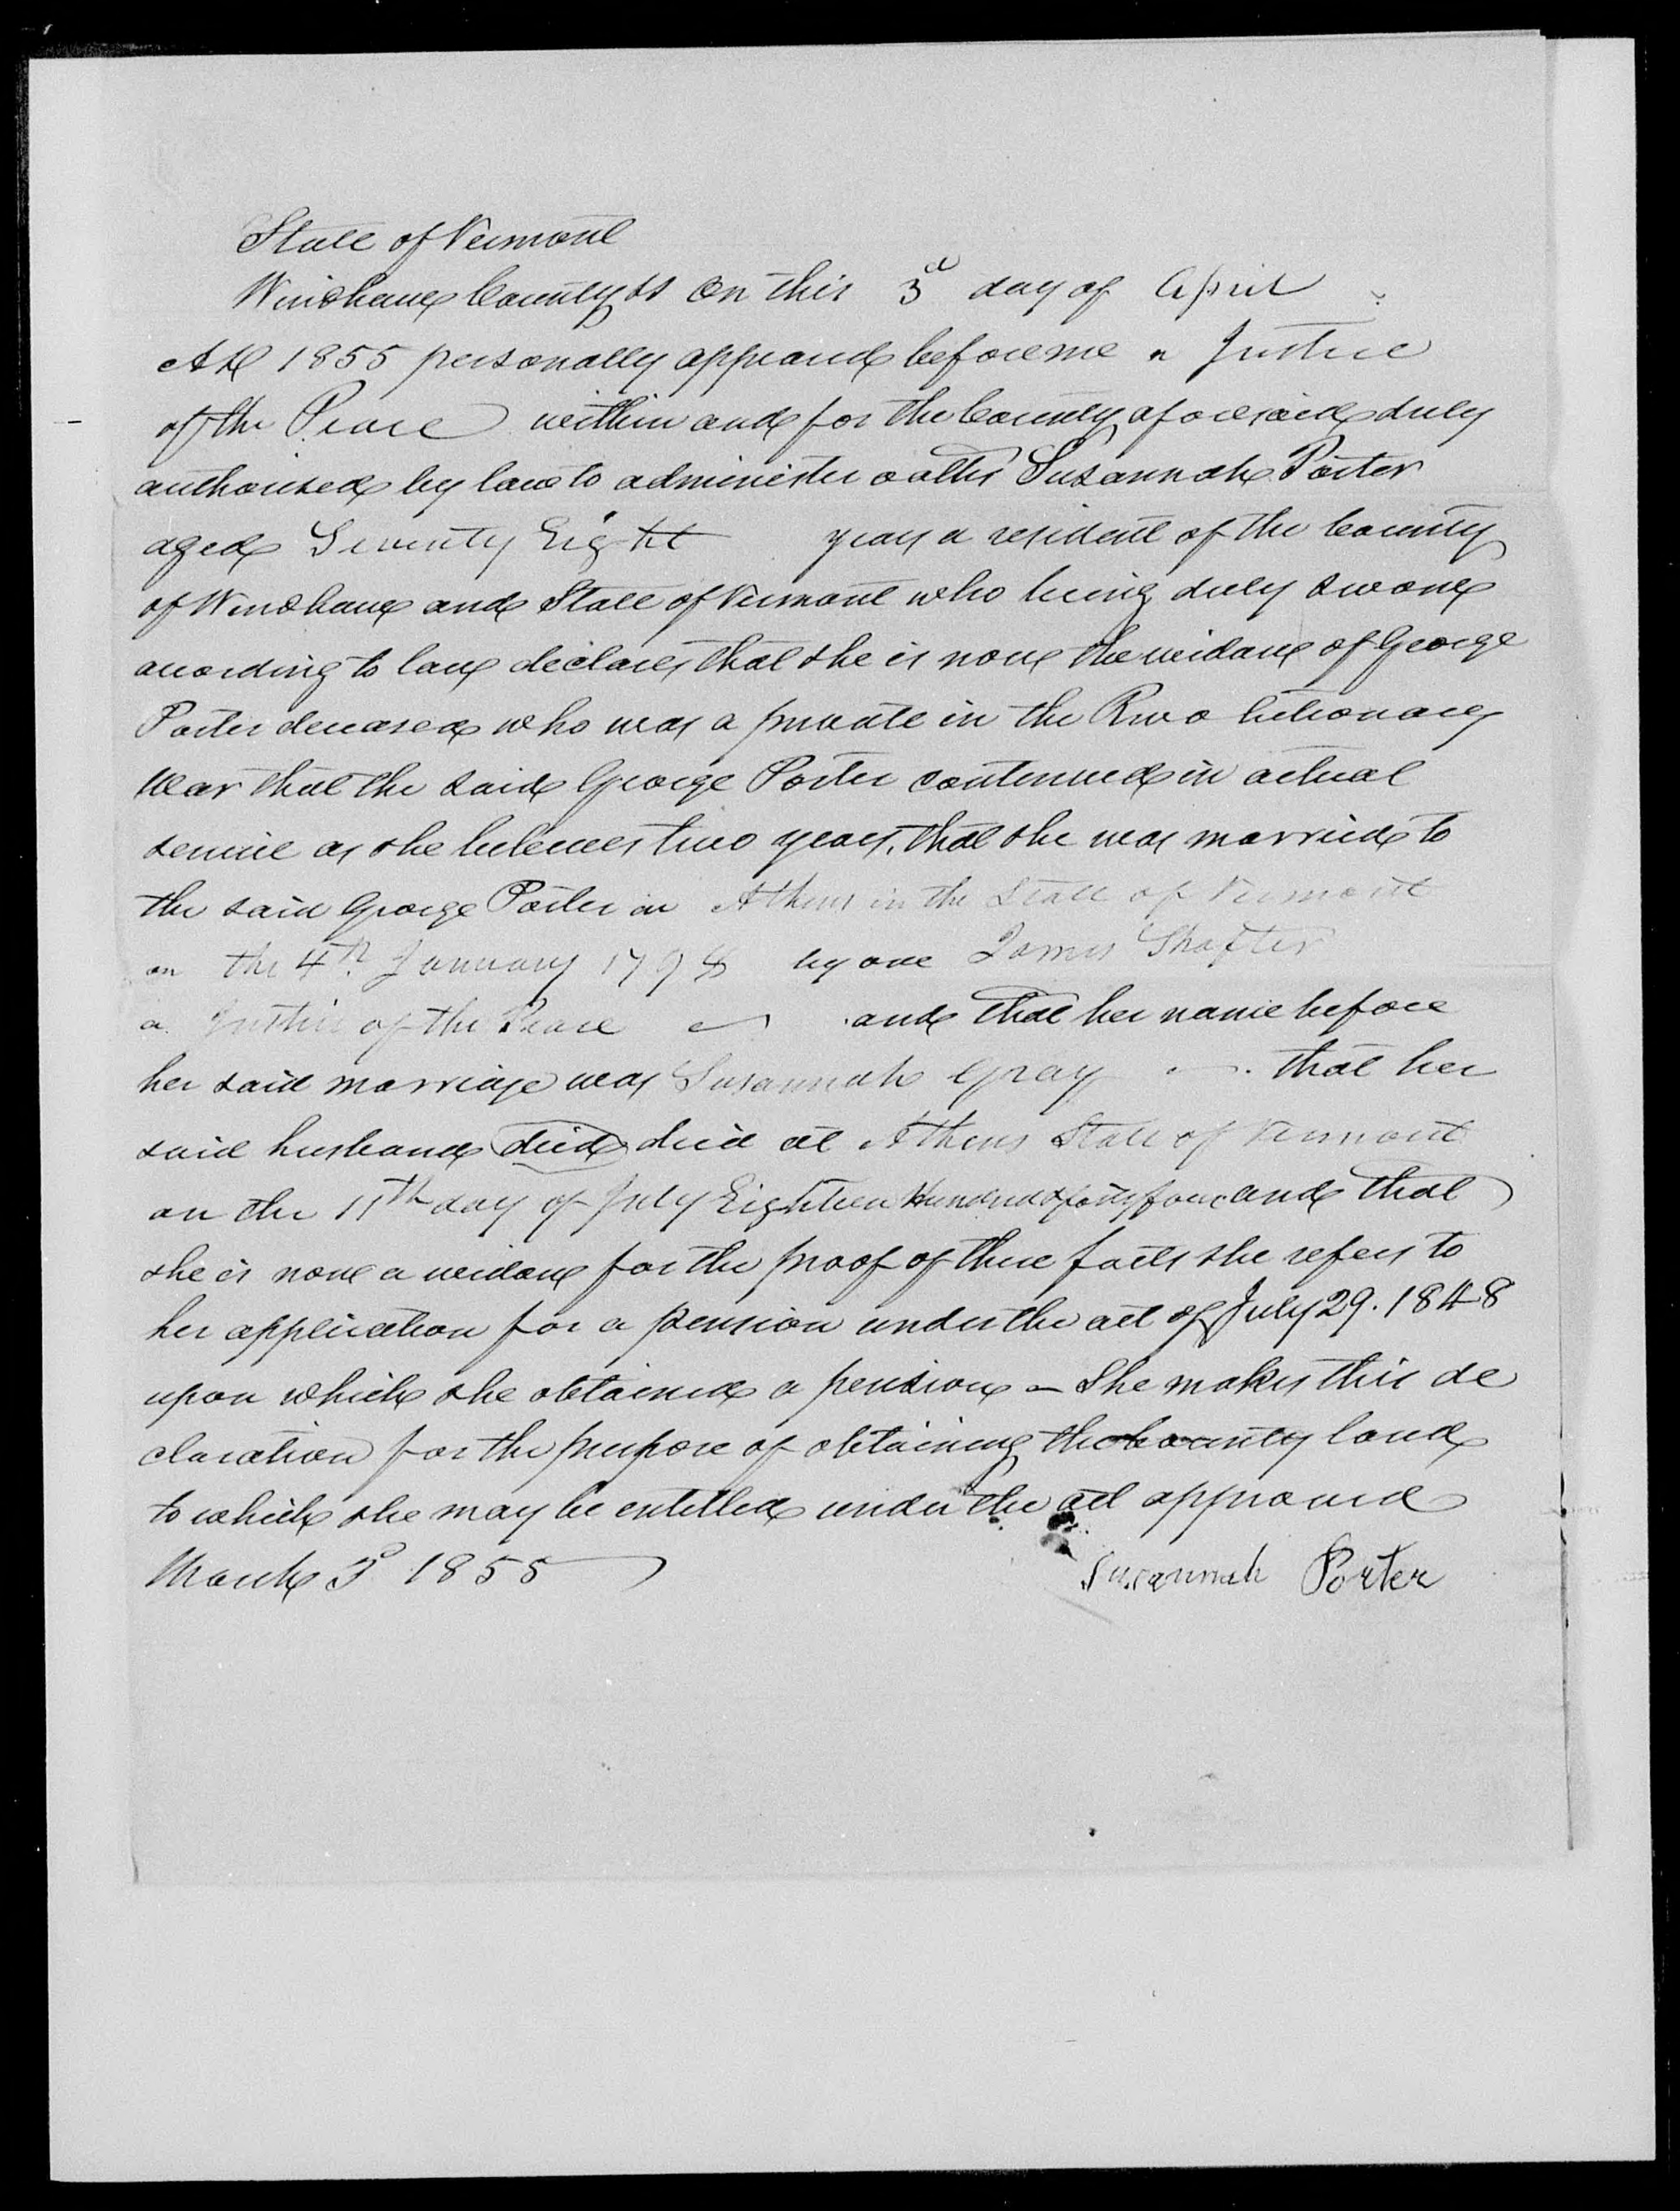State of Vermont
Windham County SS
On this 3d day of April AD 1855 personally appeared before me a Justice of the Peace within and for the County aforesaid duly authorized by law to administer oaths Susannah Porter aged Seventy Eight years a resident of the County of Windham and State of Vermont who being duly sworn according to law declares that she is now the widow of George Porter deceased who was a private in the Revolutionary war that the said George Porter continued in actual demise as she believes two years, that she was married to the said George Porter in Athens in the State of Vermont on the 4th January 1798 by one James Shafter a Justice of the Peace - that her name before her said marriage was Susannah Gray - that her said husband died died at Athens State of Vermont on the 11th day of July Eighteen Hundred & forty four and that she is now a widow for the proof of these facts she refers to her application for a pension under the act of July 29. 1848 upon which she obtained a pension - She makes this declaration for the purpose of obtaining the bounty land to which she may be entitled under the act approved
March 3 1855
Susannah Porter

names: James Shafter; Susannah Gray; Susannah Porter; George Porter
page: 23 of 49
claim: widow's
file: W. 2164, for George Porter, Massachusetts